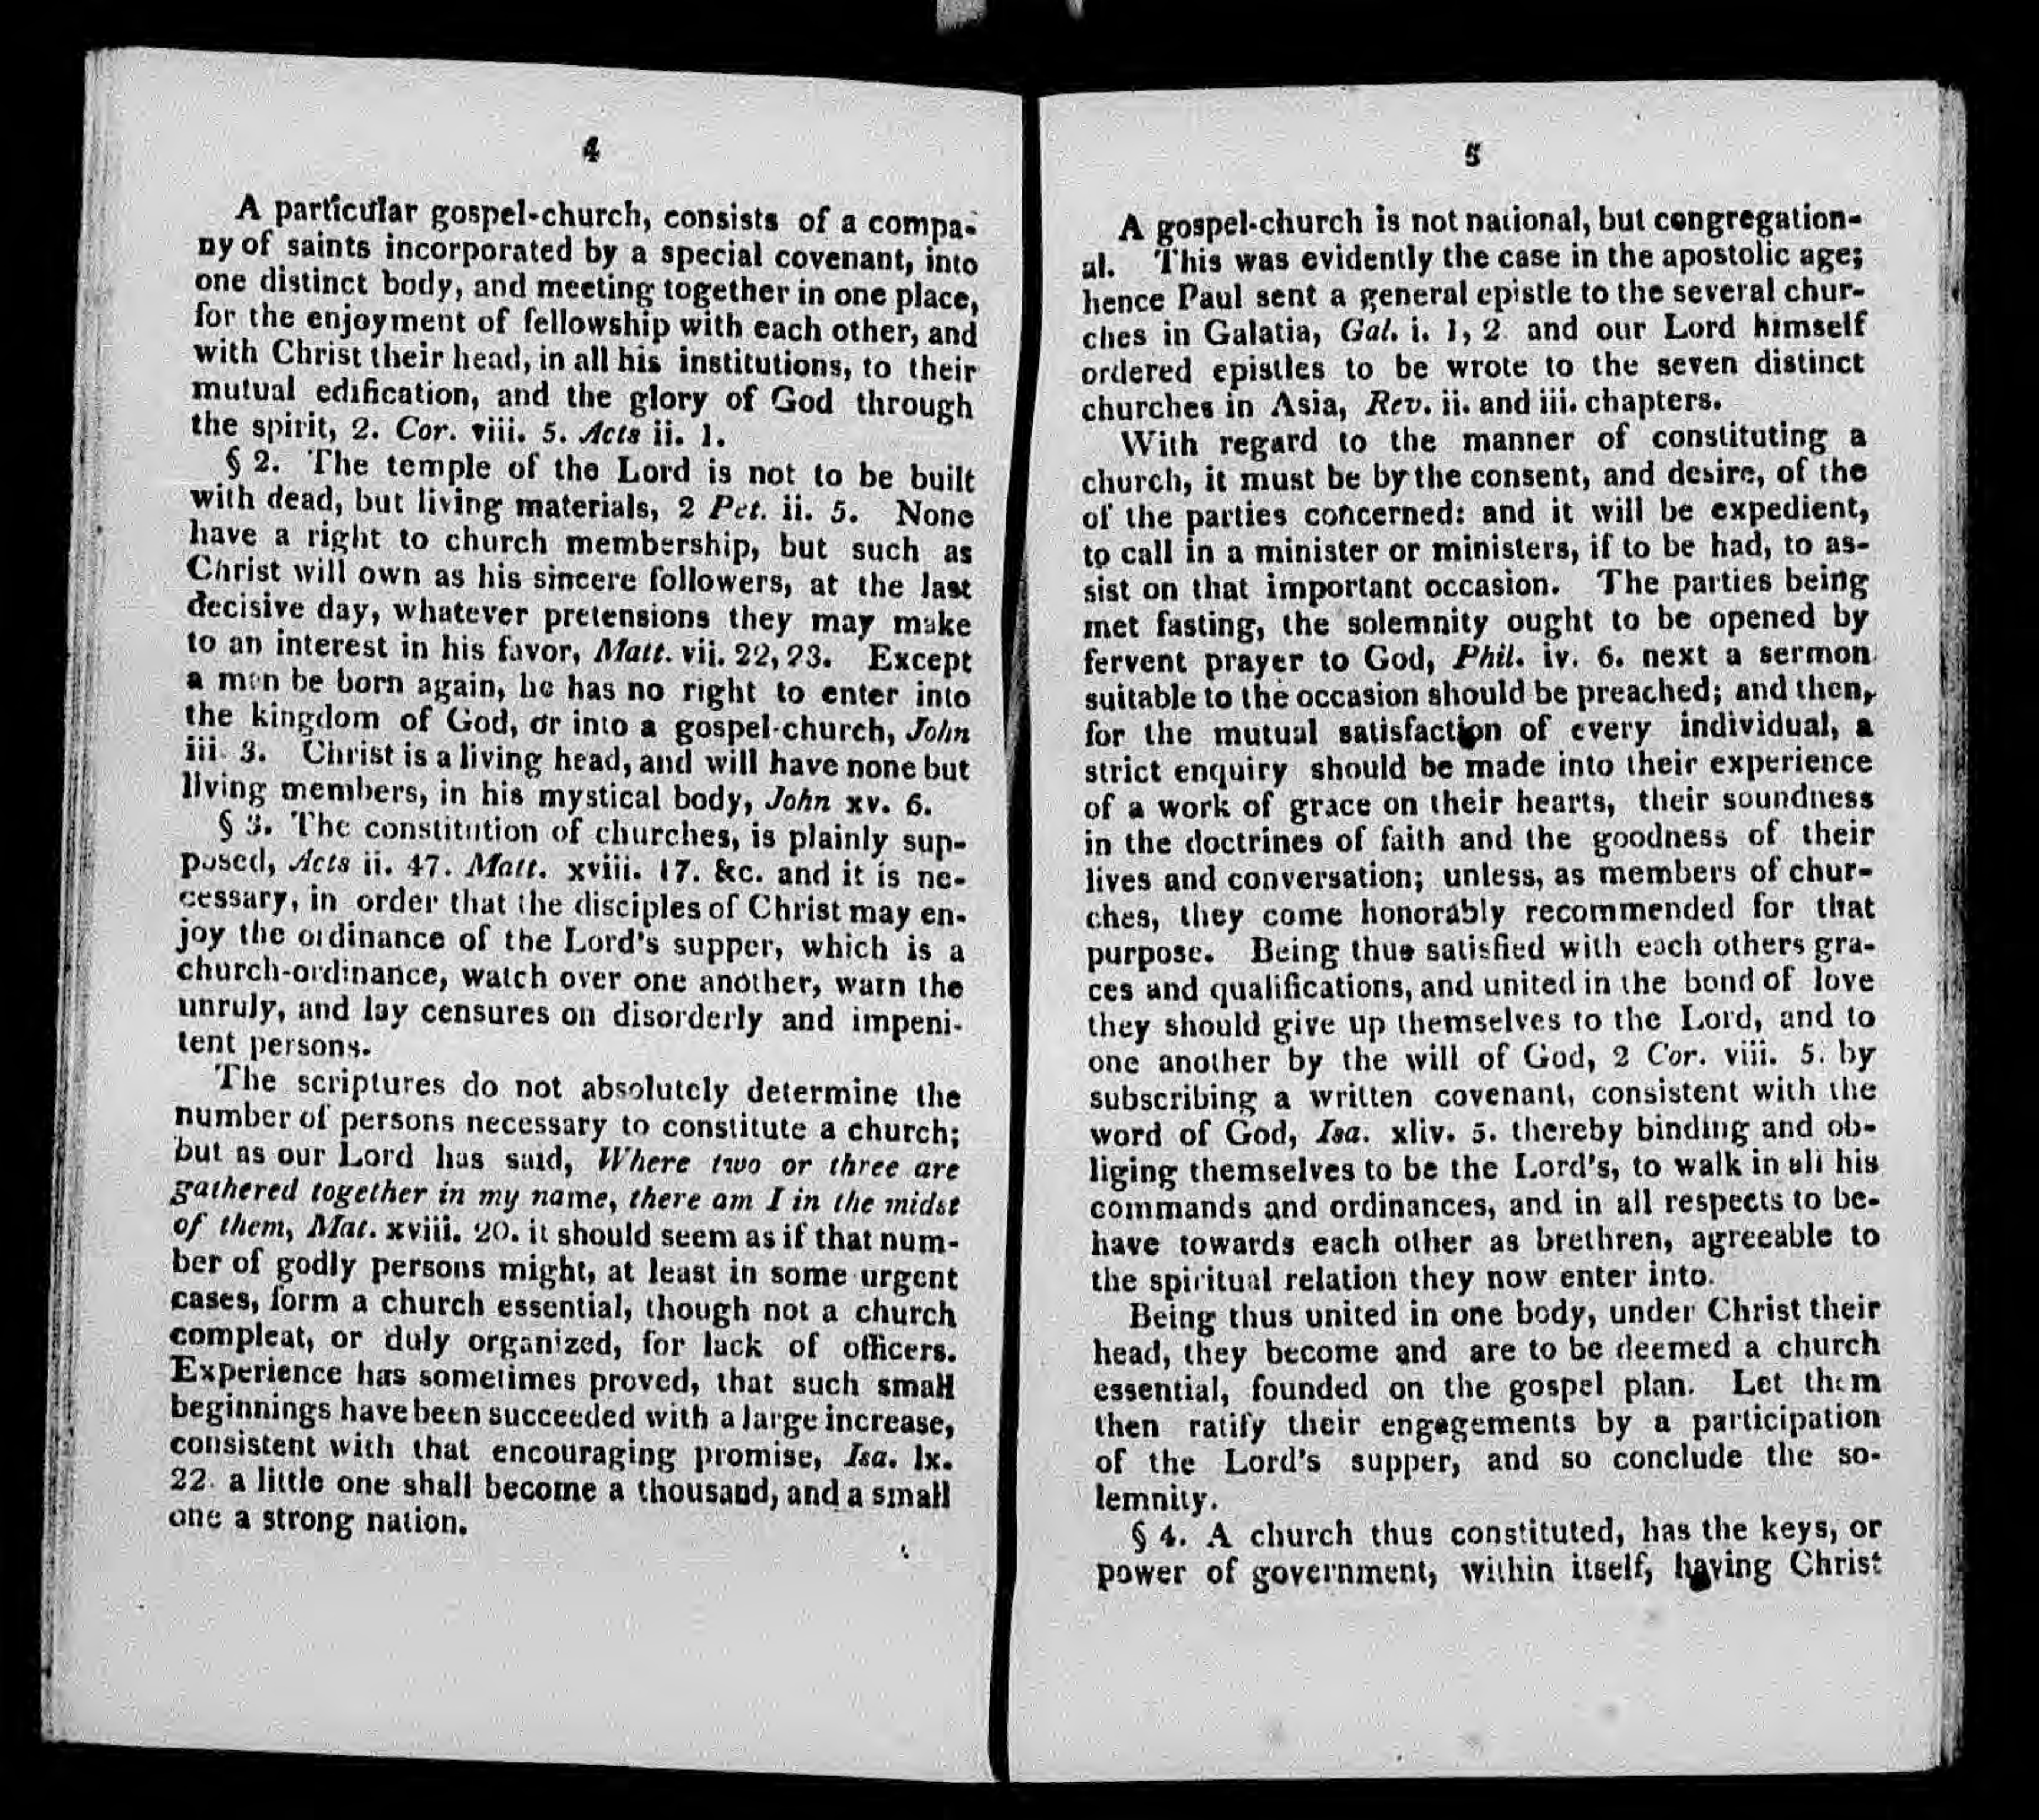4

A particular gospel-church, consists of a company of saints incorporated by a special covenant, into one distinct body, and meeting together in one place, for the enjoyment of fellowship with each other, and with Christ their head, in all his institutions, to their mutual edification, and the glory of God through the spirit, 2. Cor. viii. 5. Acts ii. 1.
2. The temple of the Lord is not to be built with dead, but living materials, 2 Pet. ii. 5. None have a right to church membership, but such as Christ will own as his sincere followers, at the last decisive day, whatever pretensions they may make to an interest in his favor, Matt. vii. 22, 23. Except a man be born again, he has no right to enter into the kingdom of God, or into a gospel-church, John iii. 3. Christ is a living head, and will have none but living members, in his mystical body, John xv. 6.
3. The constitution of churches, is plainly supposed, Acts ii. 47. Matt. xviii. 17. &c. and it is necessary, in order that the disciples of Christ may enjoy the ordinance of the Lord's supper, which is a church-ordinance, watch over one another, warn the unruly, and lay censures on disorderly and impenitent persons.
The scriptures do not absolutely determine the number of persons necessary to constitute a church; but as our Lord has said, Where two or three are gathered together in my name, there am I in the midst of them, Mat. xviii. 20. it should seem as if that number of godly persons might, at least in some urgent cases, form a church essential, though not a church compleat, or duly organized, for lack of officers. Experience has sometimes proved, that such small beginnings have been succeeded with a large increase, consistent with that encouraging promise, Isa. lx. 22. a little one shall become a thousand, and a small one a strong nation.

5

A gospel-church is not national, but congregational. This was evidently the case in the apostolic age; hence Paul sent a general epistle to the several churches in Galatia, Gal. i. 1, 2. and our Lord himself ordered epistles to be wrote to the seven distinct churches in Asia, Rev. ii. and iii. chapters.
With regard to the manner of constituting a church, it must be by the consent, and desire, of the of the parties concerned: and it will be expedient, to call in a minister or ministers, if to be had, to assist on that important occasion. The parties being met fasting, the solemnity ought to be opened by fervent prayer to God, Phil. iv. 6. next a sermon suitable to the occasion should be preached; and then, for the mutual satisfaction of every individual, a strict enquiry should be made into their experience of a work of grace on their hearts, their soundness in the doctrines of faith and the goodness of their lives and conversation; unless, as members of churches, they come honorably recommended for that purpose. Being thus satisfied with each others graces and qualifications, and united in the bond of love they should give up themselves to the Lord, and to one another by the will of God, 2 Cor. viii. 5 by subscribing a written covenant, consistent with the word of God, Isa. xliv. 5. thereby binding and obliging themselves to be the Lord's, to walk in all his commands and ordinances, and in all respects to behave towards each other as brethren, agreeable to the spiritual relation they now enter into.
Being thus united in one body, under Christ their head, they become and are to be deemed a church essential, founded on the gospel plan. Let them then ratify their engagements by a participation of the Lord's supper, and so conclude the solemnity.
4. A church thus constituted, has the keys, or power of government, within itself, having Christ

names: Isa, Matt, Pet, Paul, Isa, John, Matt, Mat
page: 48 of 98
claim: widow's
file: W. 8398, William Broadway, S.C.